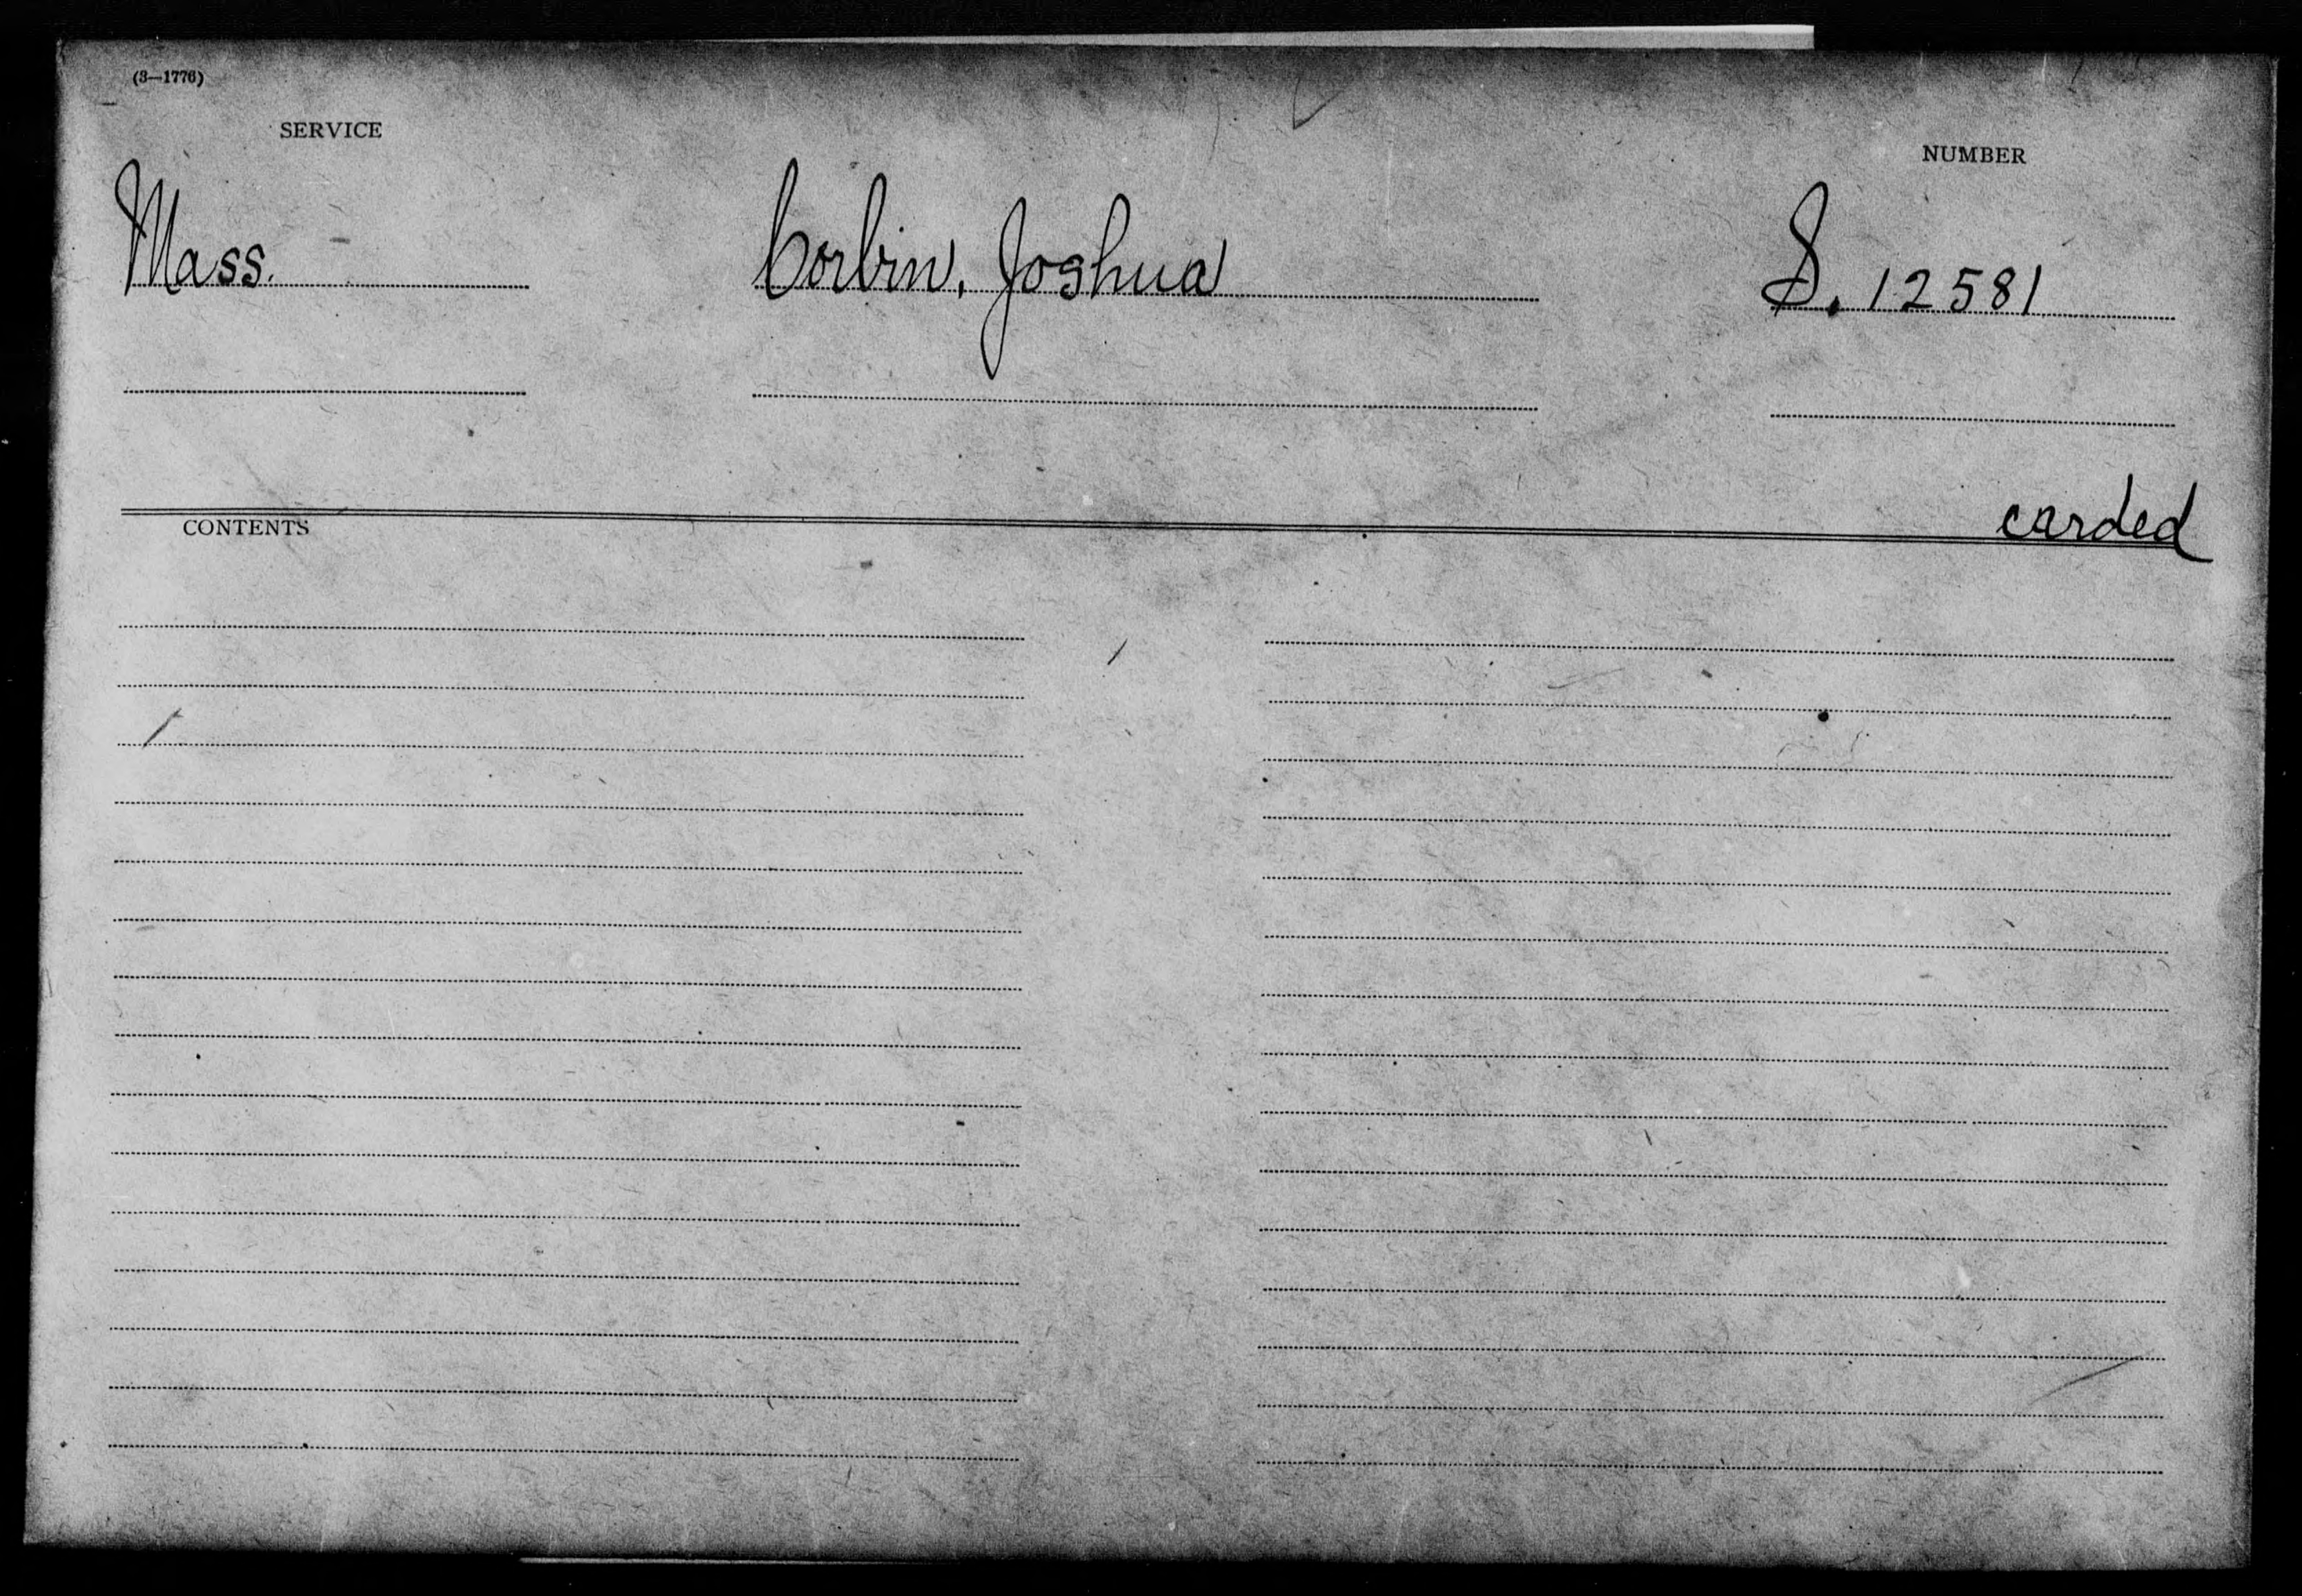MASS.

CORBIN, JOSHUA

X.12581

CARDED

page: 1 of 34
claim: survivor's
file: S. 12581, Joshua Corbin, Mass.